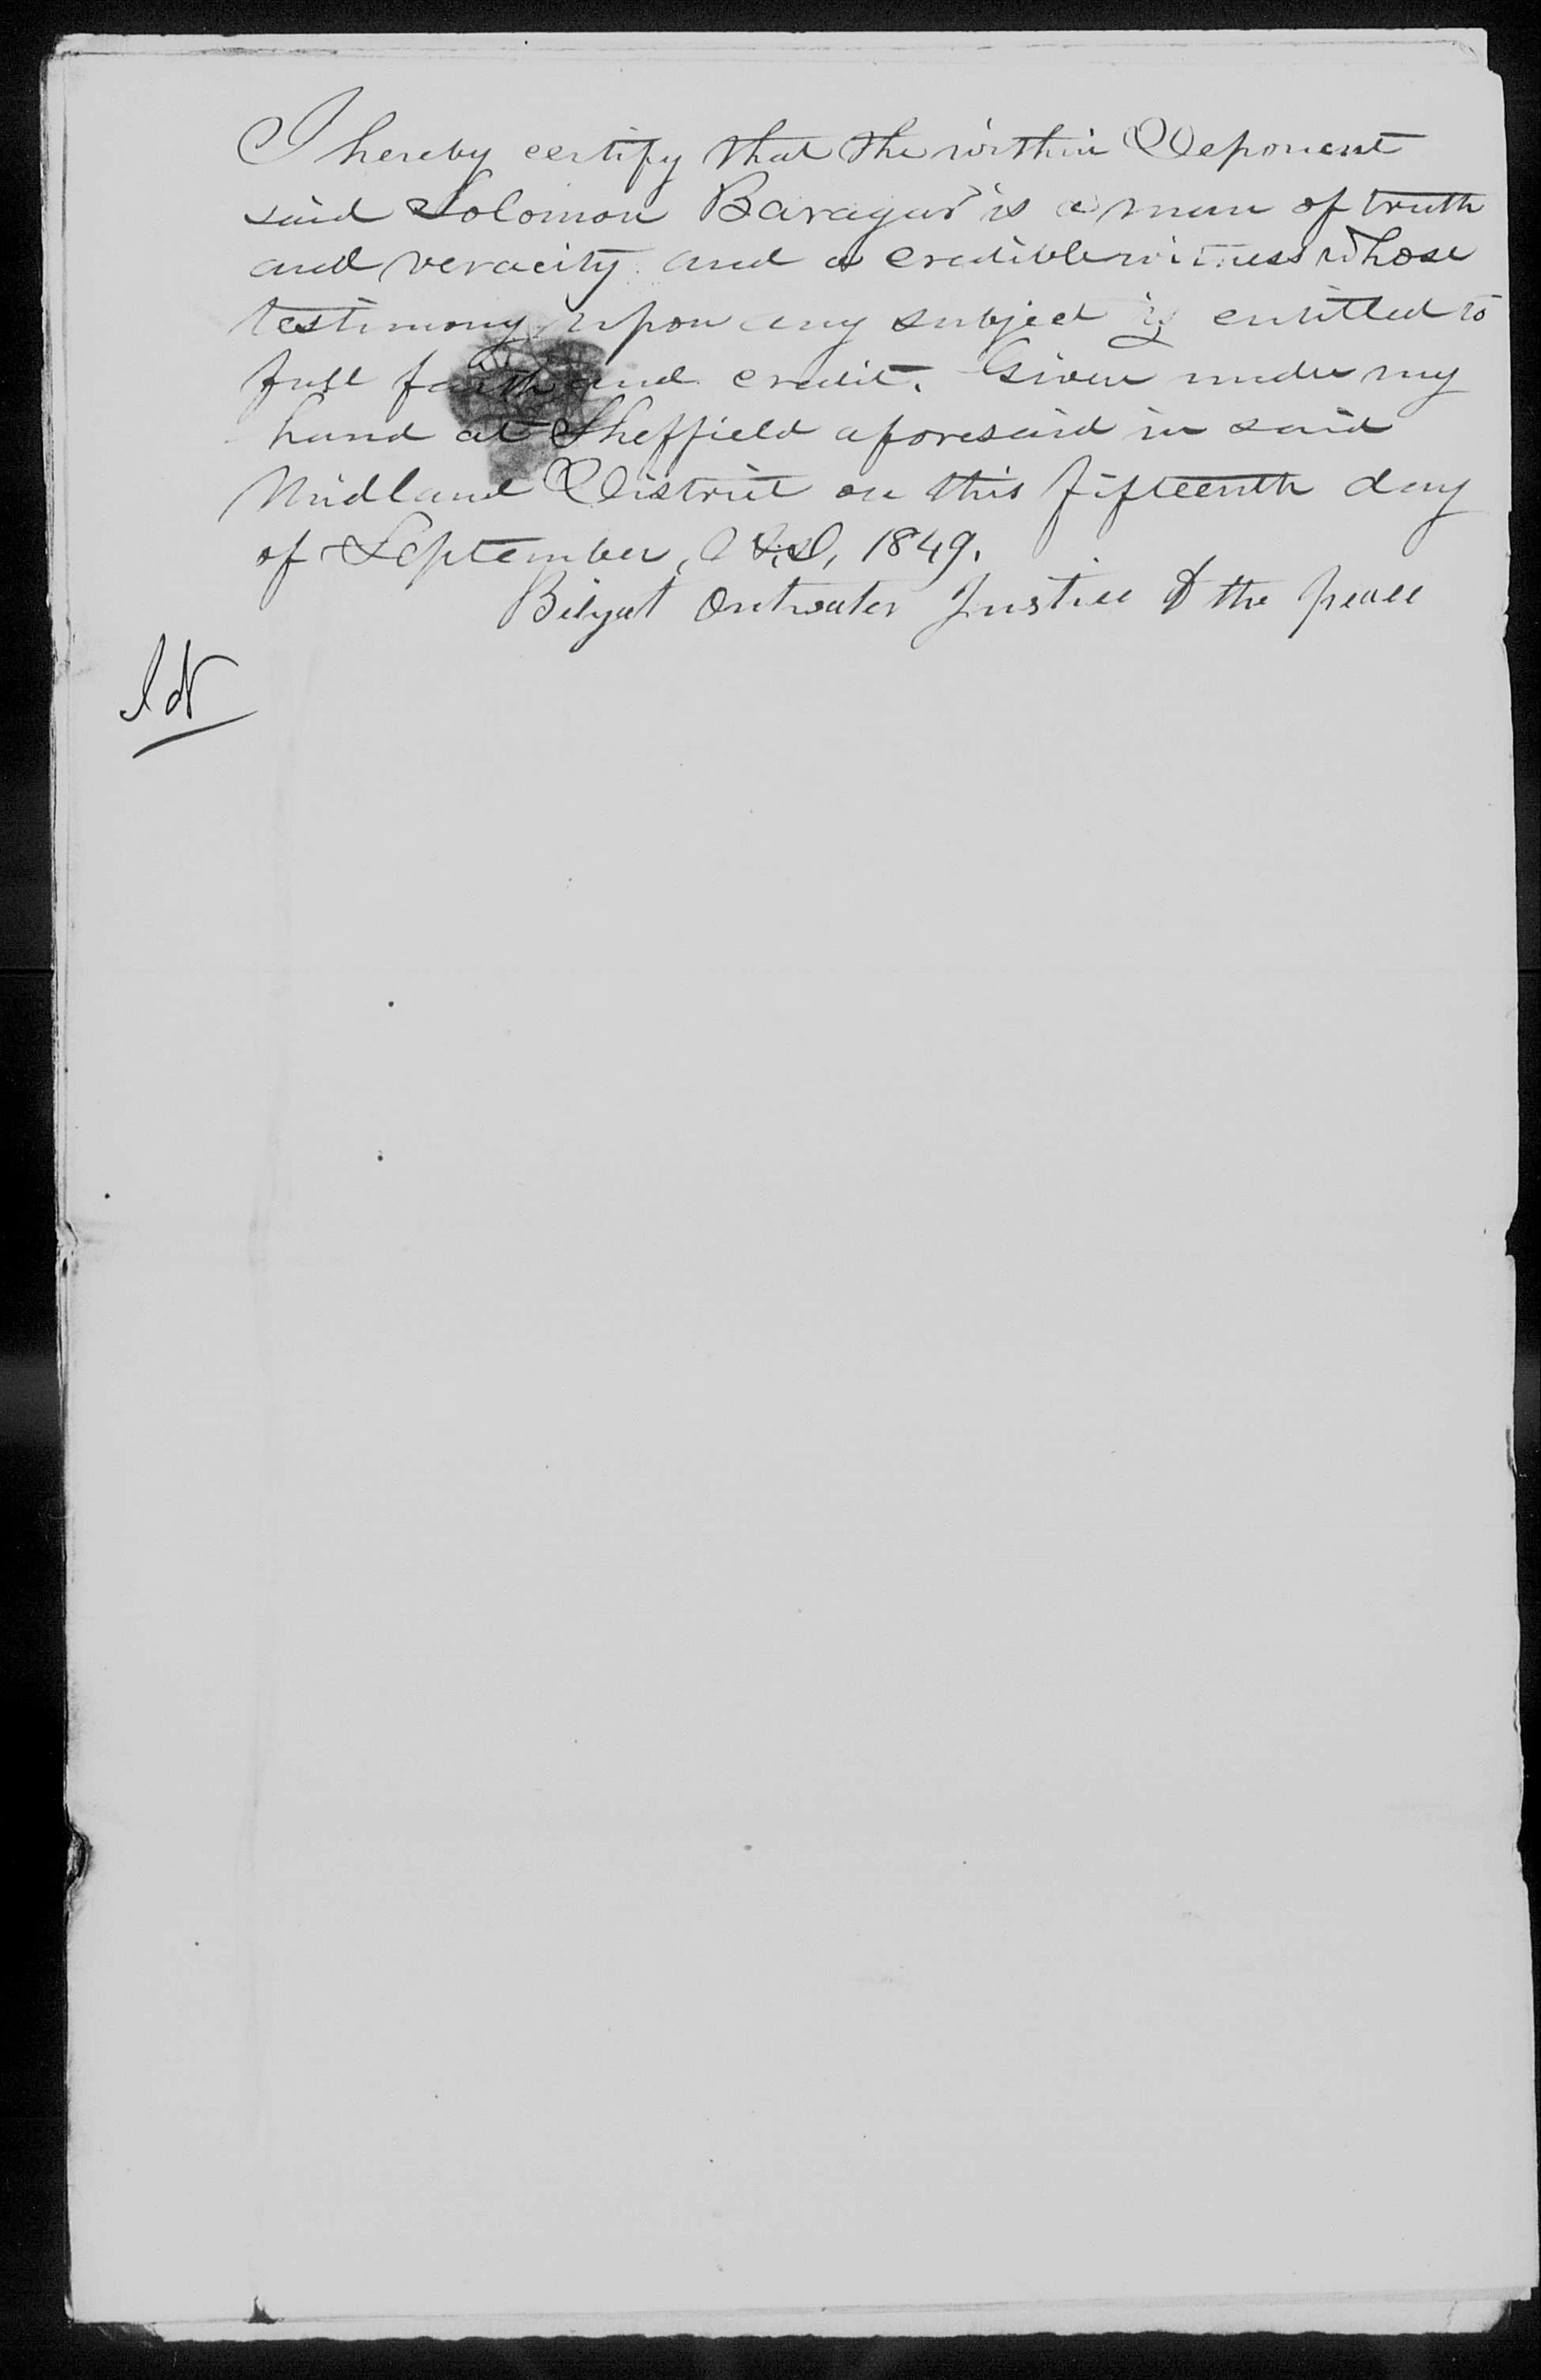I hereby certify that the within Deponent said Solomon Baragar is a man of truth and veracity and a credible witness whose testimony upon any subject is entitled to full faith and credit. Given under my hand at Sheffield aforesaid in said Midland District on this fifteenth day of September, A.D. 1849.
Belyat Outwater Justice of the peace
[illegible]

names: Belyat Outwater, Solomon Baragar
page: 50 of 106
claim: survivor's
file: S 23,116., Joshua Benedict, Conn.